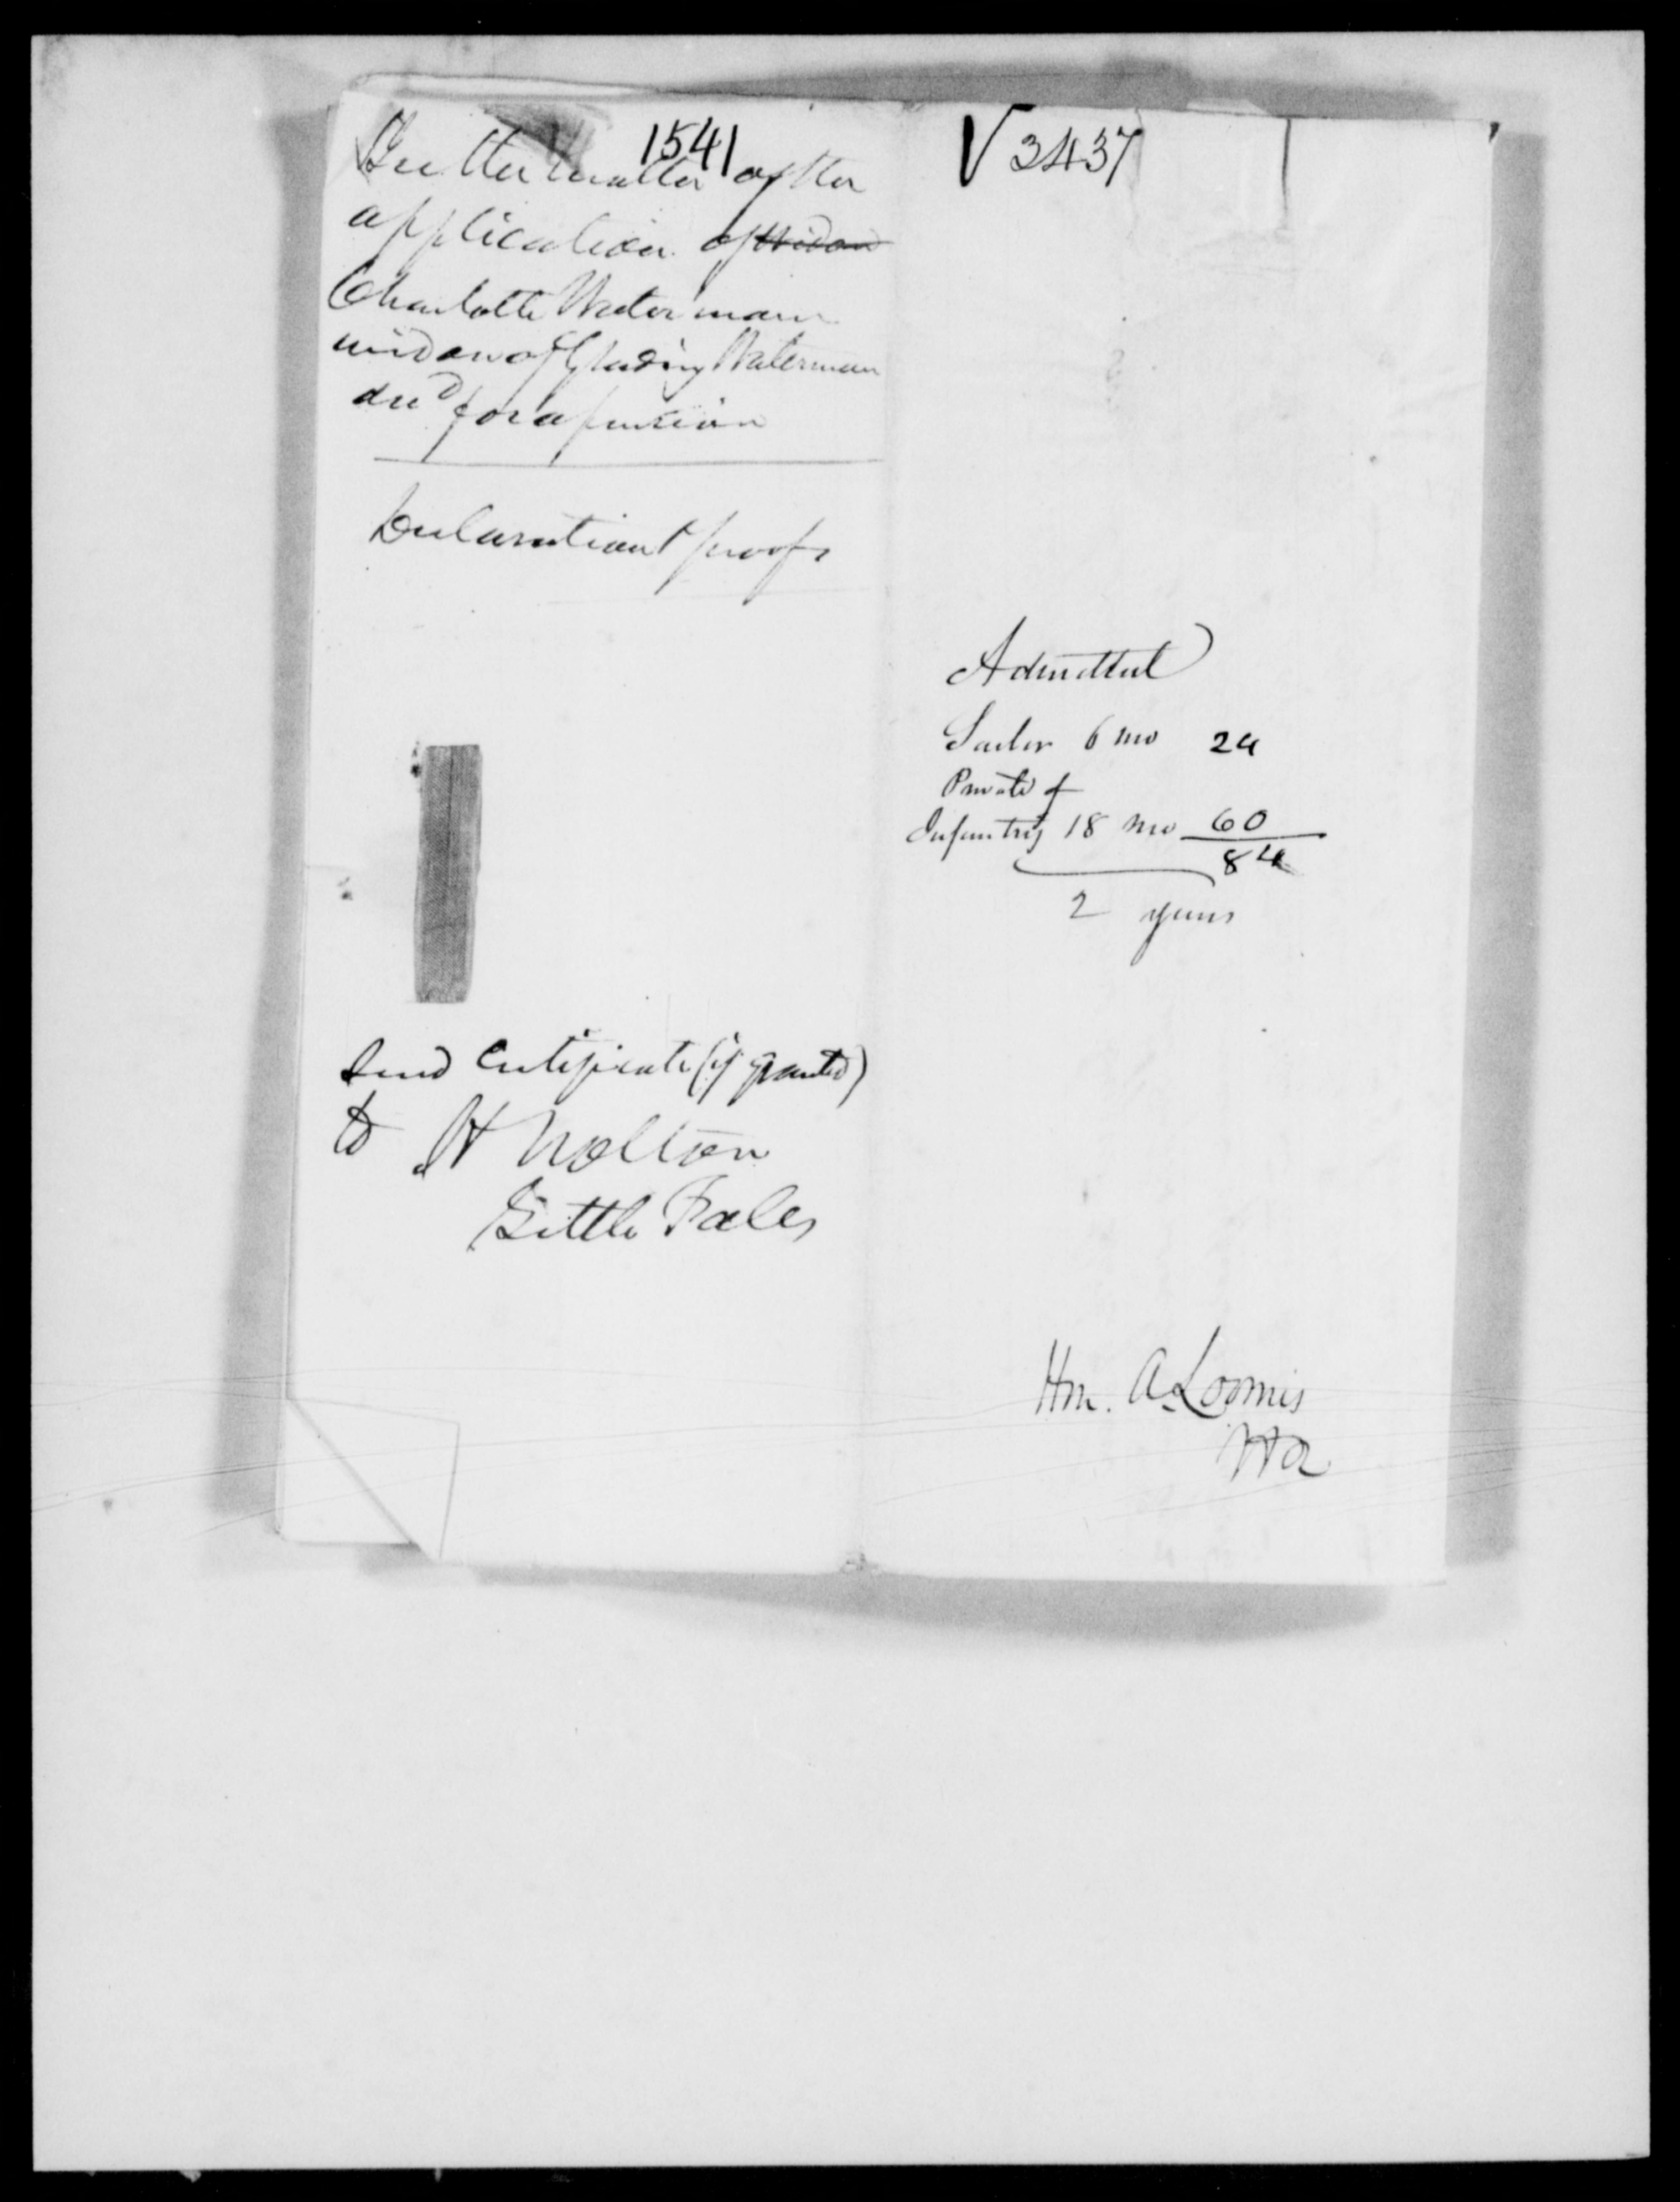1541            /3437

See the  [illegible] of the 
application of Charlotte Waterman,
widow of Glading Waterman
decd, for a pension .
------------------------------------------
Declaration proofs

Admitted 
Sailor          6 mo        24
Private of
Infantry       18 mo      60
                                --------
                                     84
---------------------------
2 years

Send certificate (if granted)
to H. Nolton
Little Falls




Hon. A Loomis
Wa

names: Glading Waterman, Charlotte Waterman, A Loomis, H Nolton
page: 9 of 50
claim: widow's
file: W. 15814, Glading Waterman, Conn. Conn. Sea Service Continental